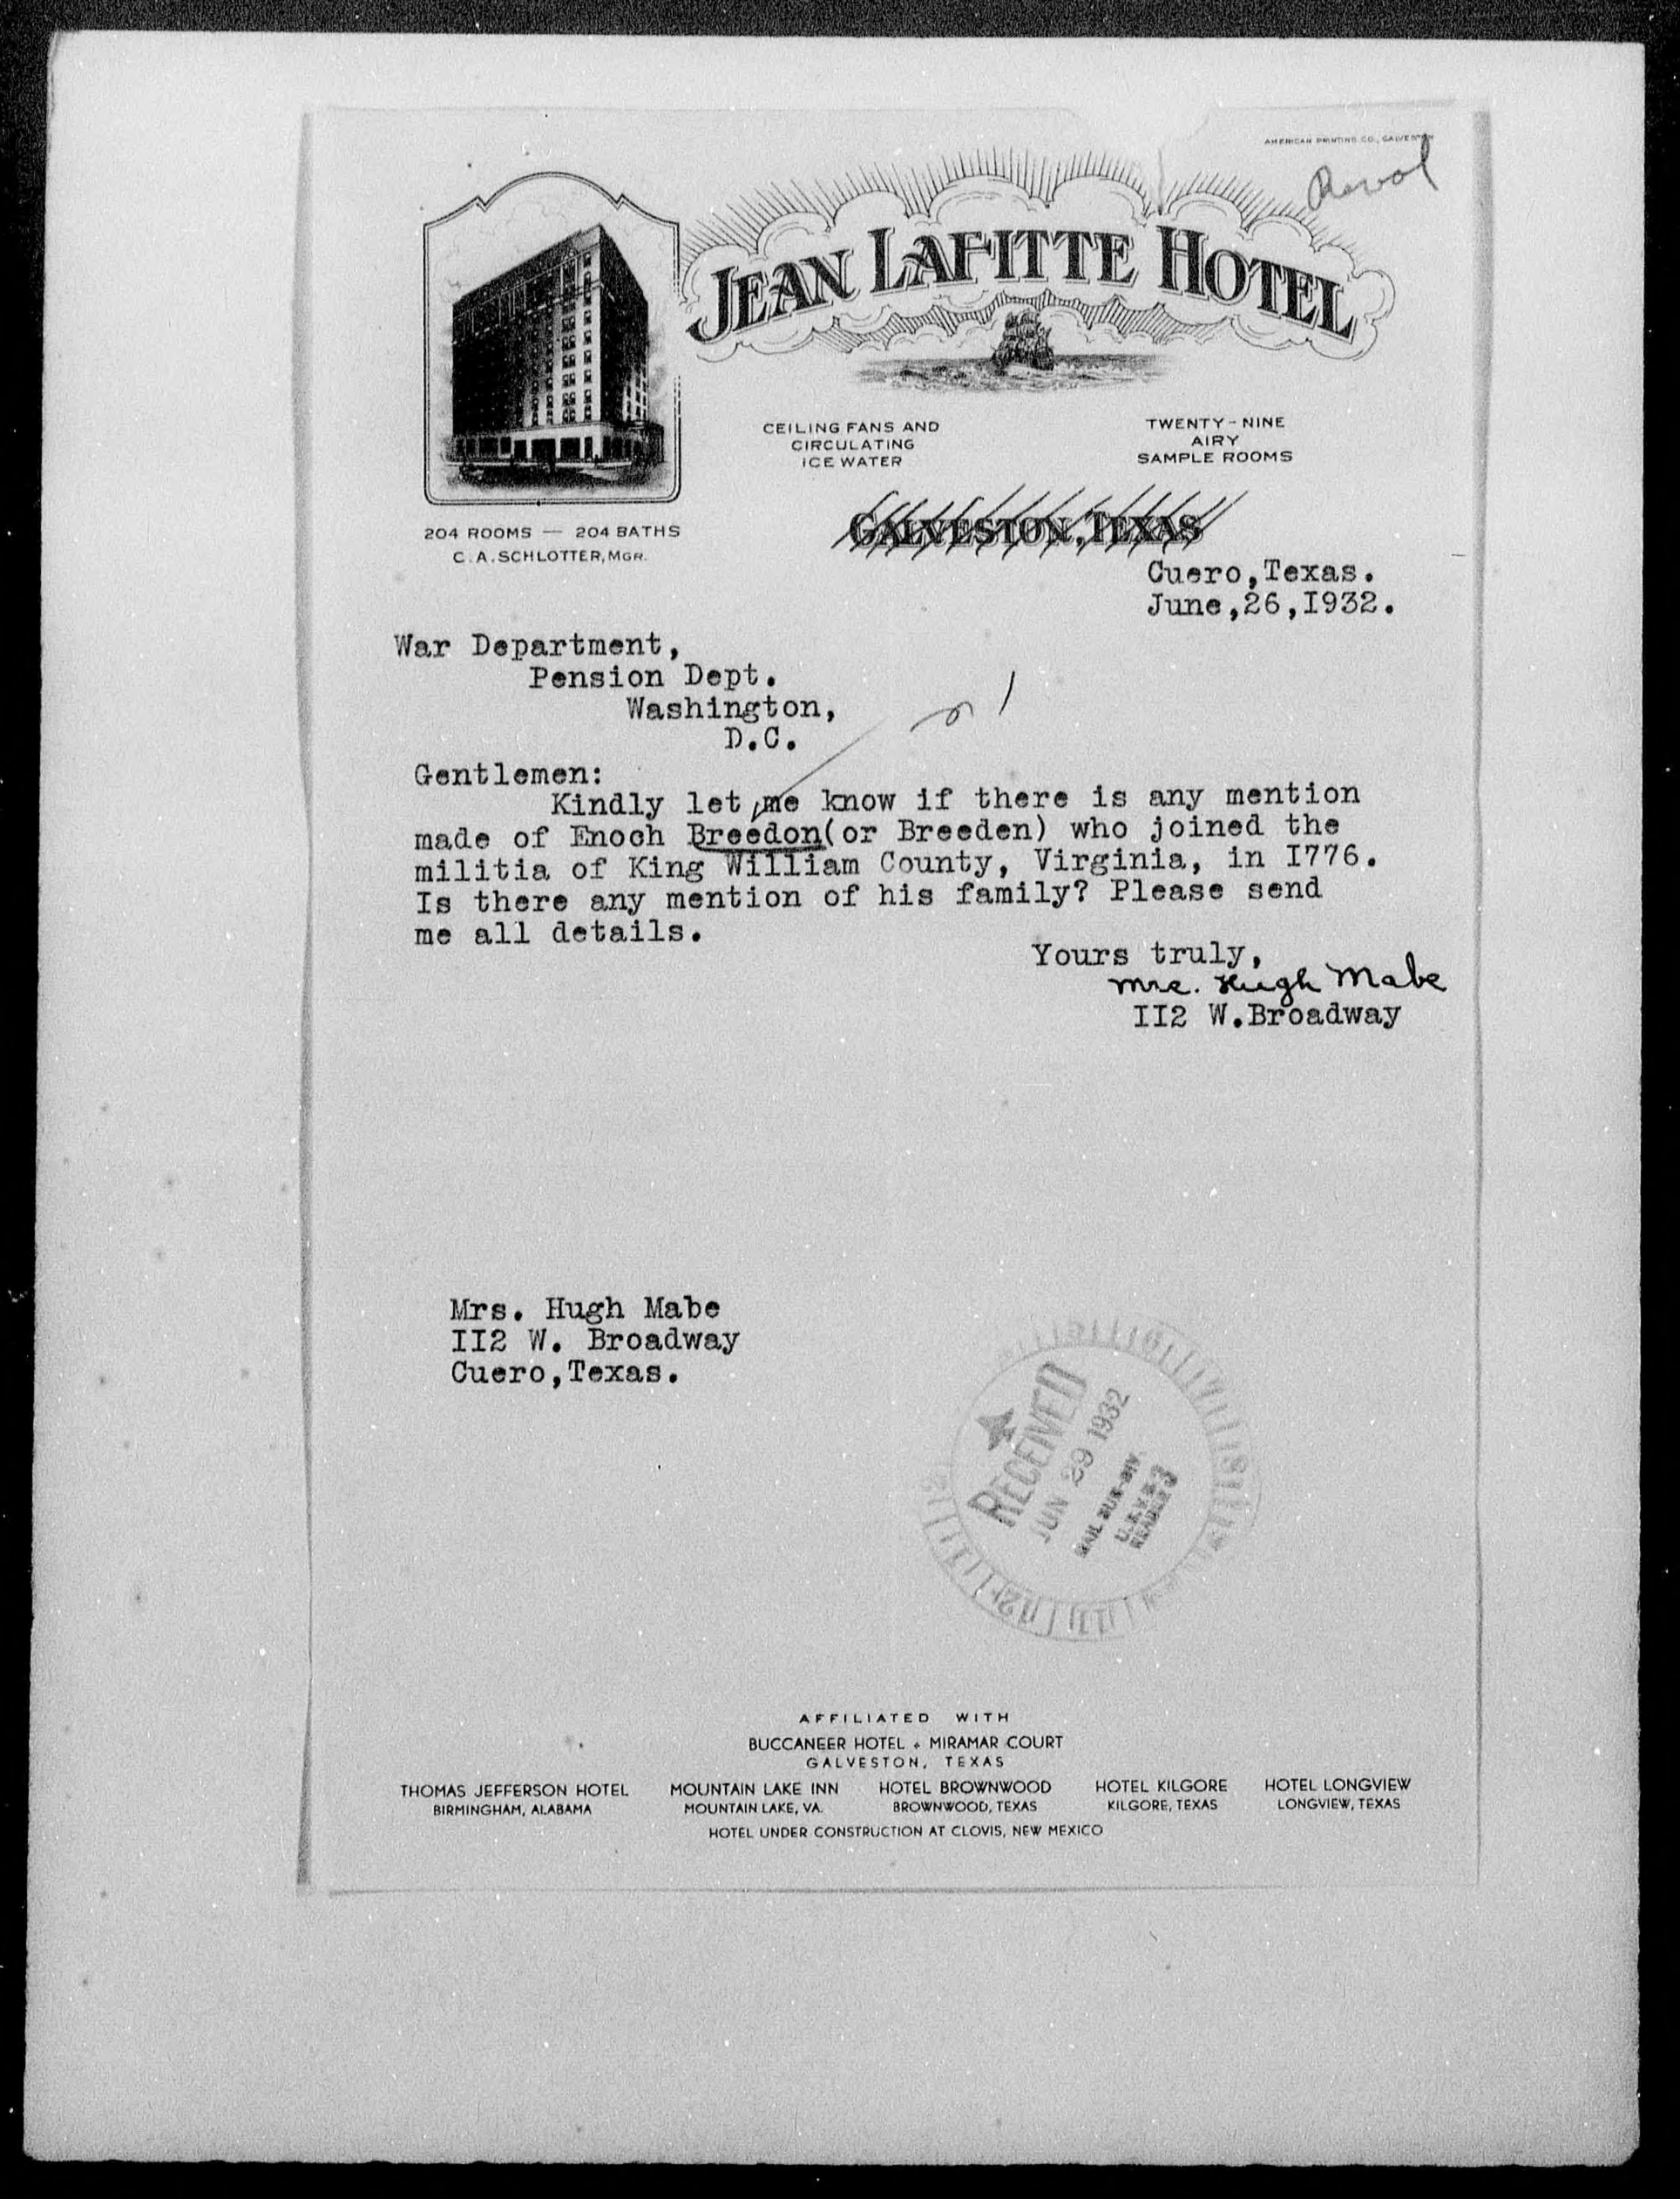Revol

JEAN LAFITTE HOTEL
204 ROOMS -- 204 BATHS C. A. SCHLOTTER, MGR. 
CEILING FANS AND CIRCULATING ICE WATER
TWENTY - NINE AIRY SAMPLE ROOMS

Cuero, Texas. 
June 26, 1932.

War Department, 
Pension Dept. 
Washington, D. C.  

Gentlemen: 
Kindly let me know if there is any mention made of Enoch Breedon ( or Breeden ) who joined the militia of King William County, Virginia, in 1776. Is there any mention of his family? Please send me all details. 
Yours Truly,
Mrs. Hugh Mabe 
112 W. Broadway 

Mrs. Hugh Mabe 
112 W. Broadway 
Cuero, Texas. 

RECEIVED 
JUN 29 1932

AFFILIATED WITH
BUCCANEER HOTEL. MIRAMAR COURT GALVESTON TEXAS

THOMAS JEFFERSON HOTEL 
BIRMINGHAM, ALABAMA 
MOUNTAIN LAKE IN 
MOUNTAIN LAKE, VA. 
HOTEL BROWNWOOD
BROWNWOOD, TEXAS
HOTEL KILGORE 
KILGORE, TEXAS 
HOTEL LONGVIEW 
LONGVIEW, TEXAS HOTEL UNDER CONSTRUCTION AT CLOVIS, NEW MEXICO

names: Hugh Mabe, Hugh Mabe, Enoch Breeden, Enoch Breedon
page: 23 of 27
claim: survivor's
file: S. 1747, Enoch Breeden, Va.